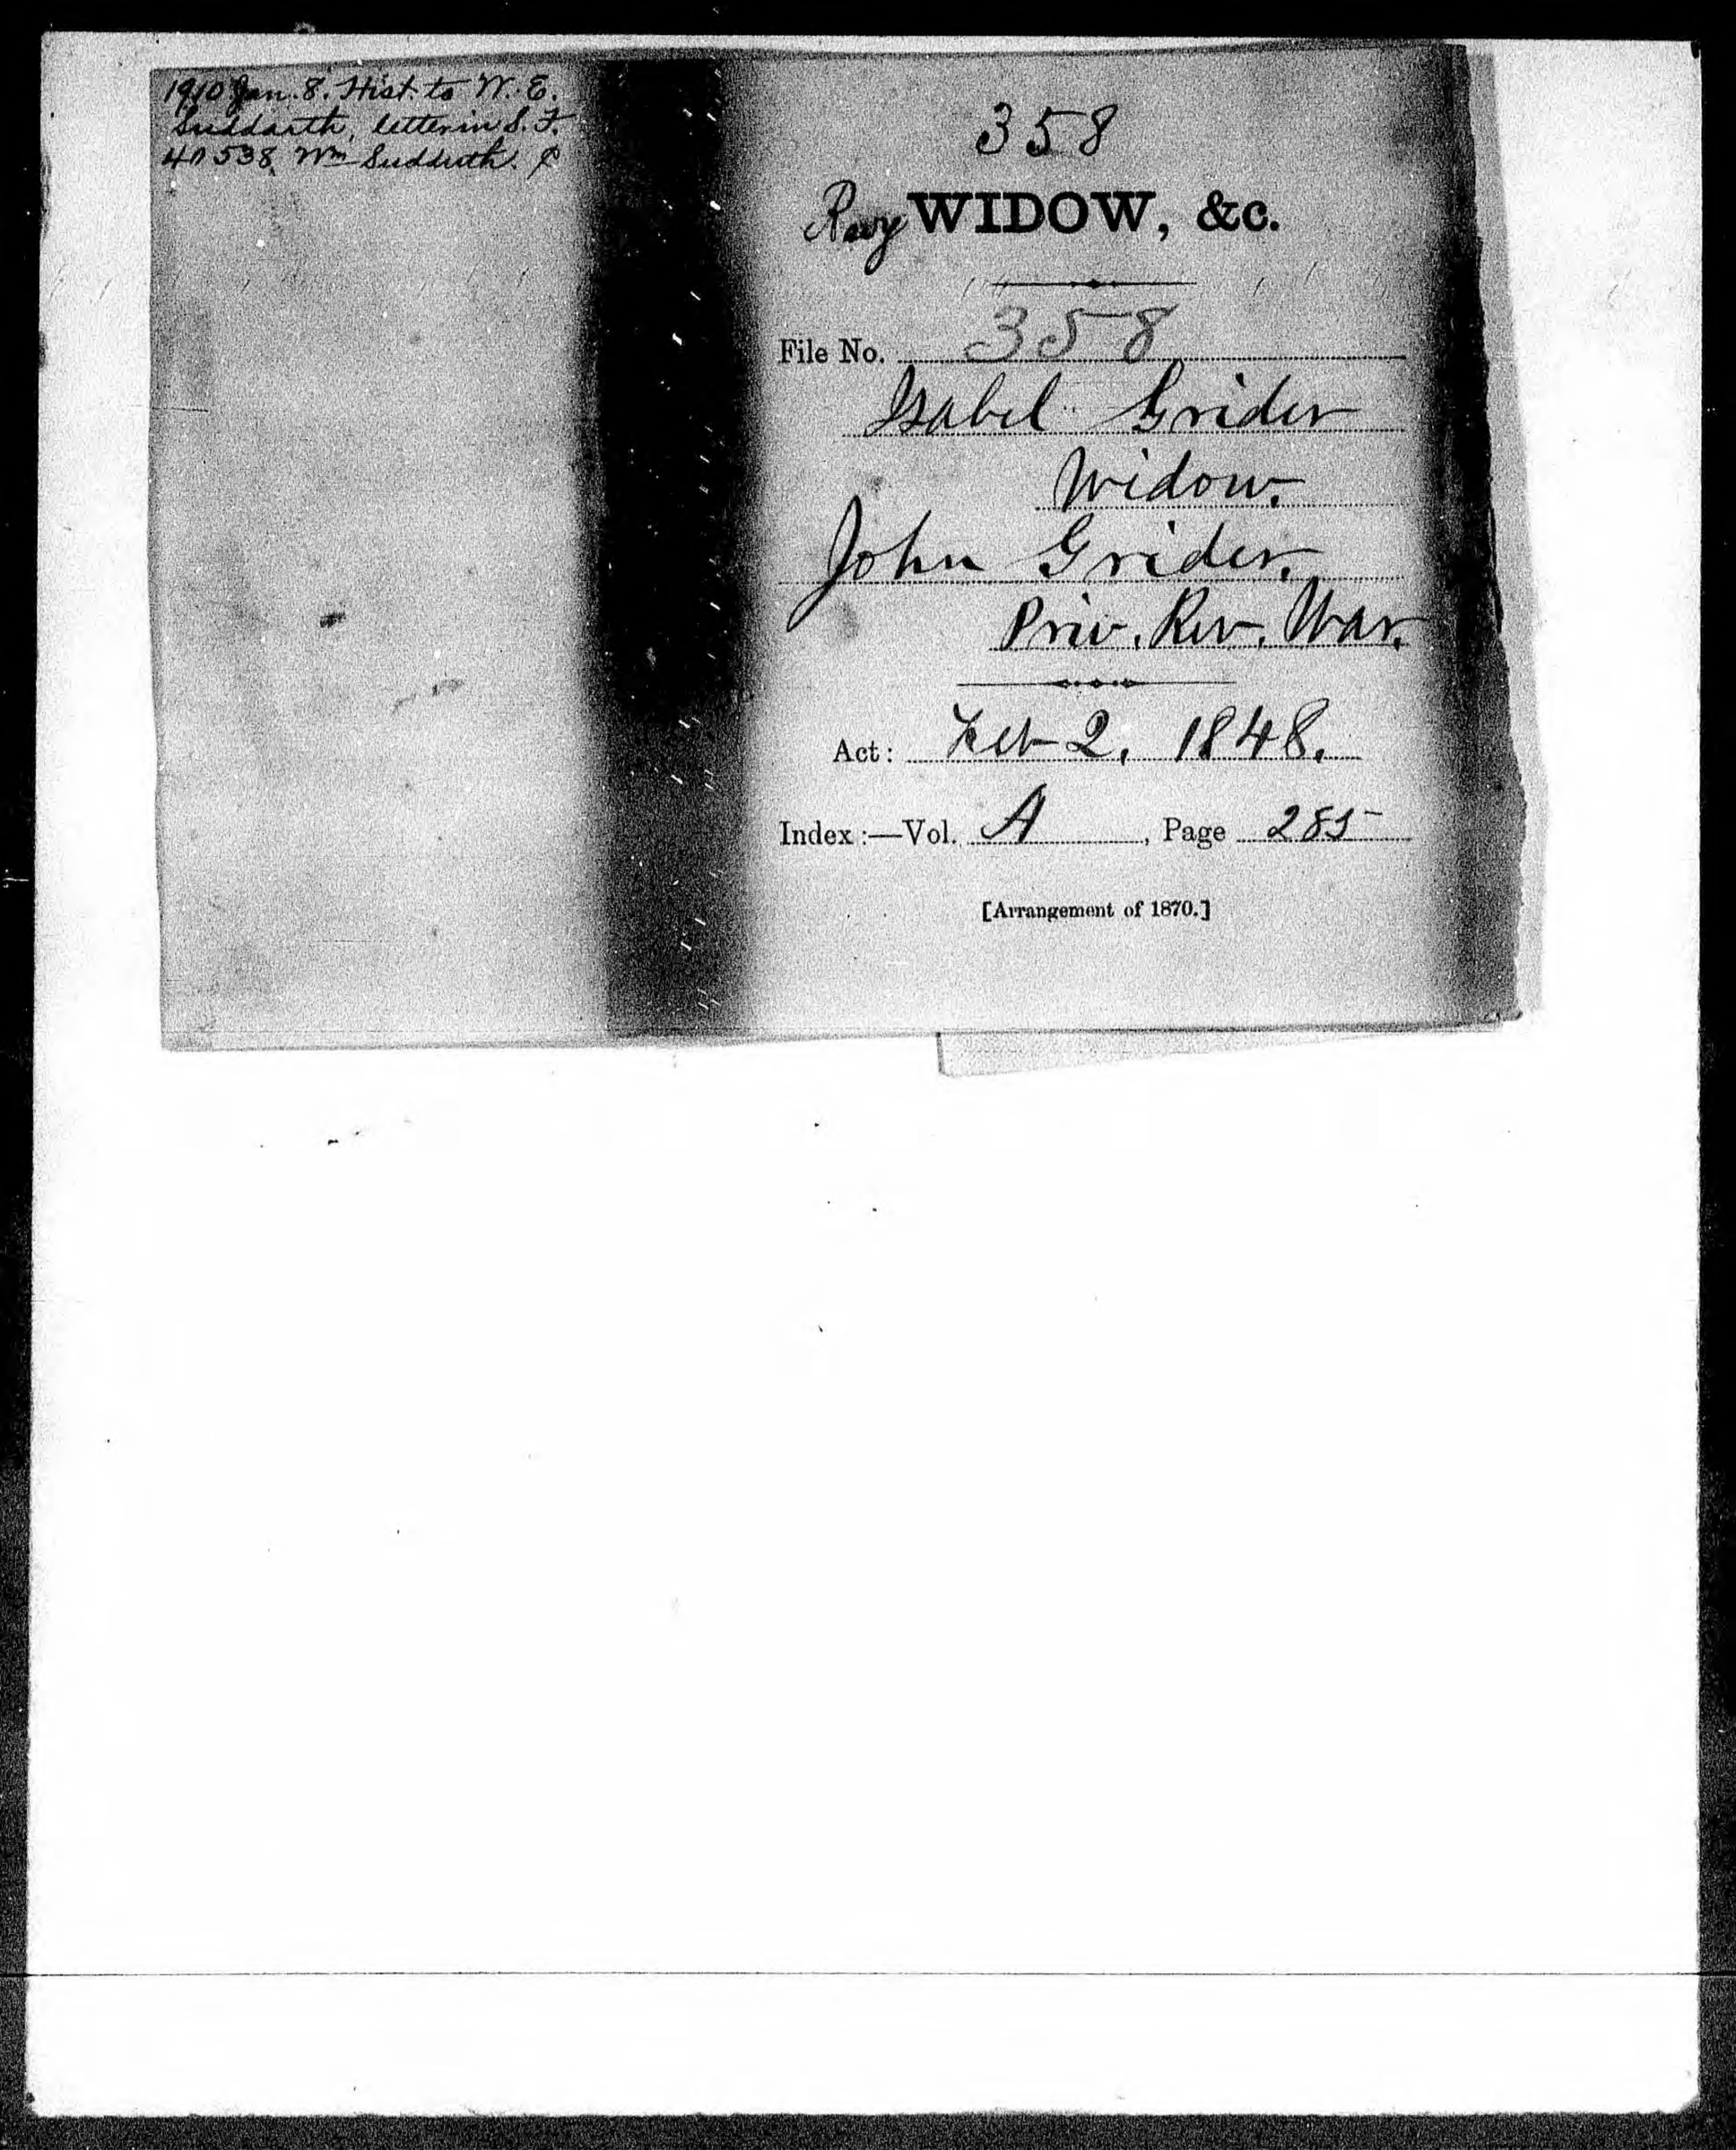[left side of page]  1910 Jan 8. Hist to W.E.
Sudderth, letter in S.F.
40538 Wm Sudderth


[right side of page]
358
Revy WIDOW, &c.

File No.  358
Isabel Grider
widow
John Grider
Priv. Rev. War.

Act Feb 2, 1848
Index: - Vol. A, Page 285

[arrangement of 1870]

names: Isabel Grider, Wm Sudderth, John Grider, W E Suddarth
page: 29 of 91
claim: widow's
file: W 358, John Grider, N.C.